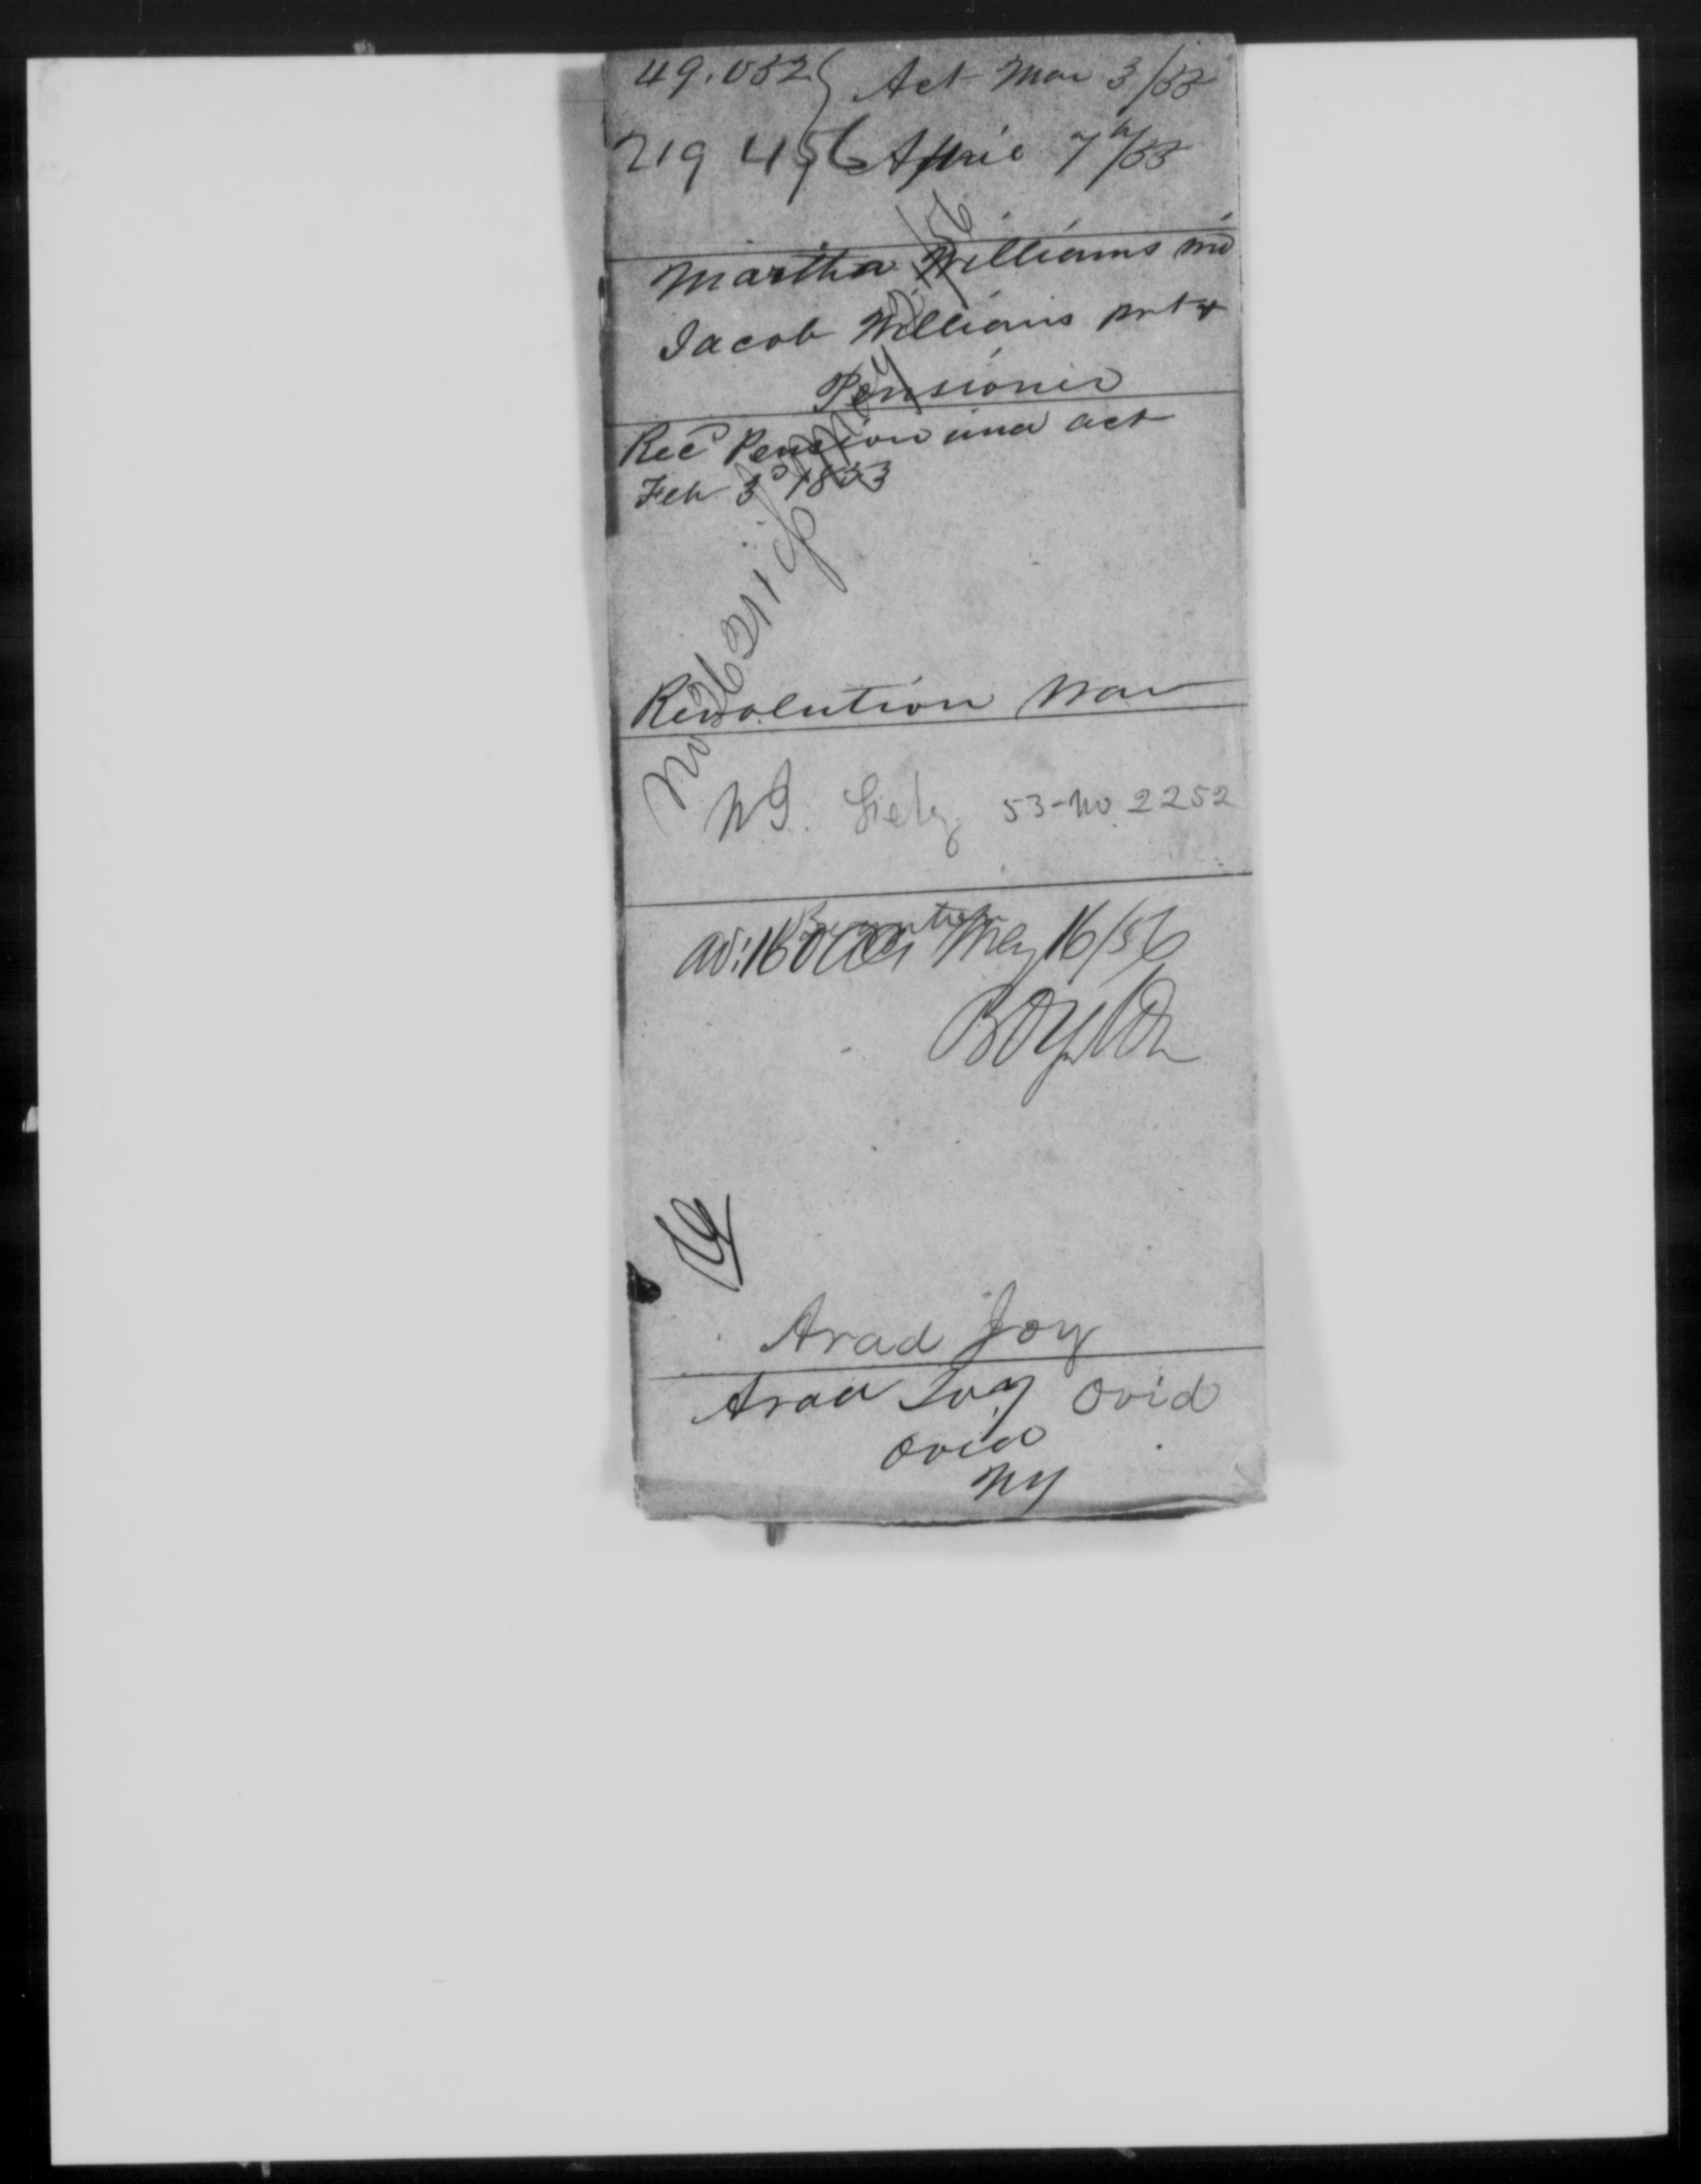49,052 - Act Mar. 3/'53
219,456 -  April 7/'53

26,211 [illegible] May 21/'56

Martha Williams(on), wid(ow) Jacob Williams(on), Pri(vate) & Pensioner.

Rec(eive)d Pension under Act Feb. 3rd 1853.

Revolution(ary) War

N.J. Feb. '53 - No. 2252.

Boynton 
A.D.: 160 Acres May 16/'56
Boynton

[illegible]

Arad Joy, Ovid
Ovid, N.Y.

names: Arad Joy, Jacob Williams, Martha Williams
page: 8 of 67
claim: widow's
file: W. 2393, Jacob Williamson, New Jersey